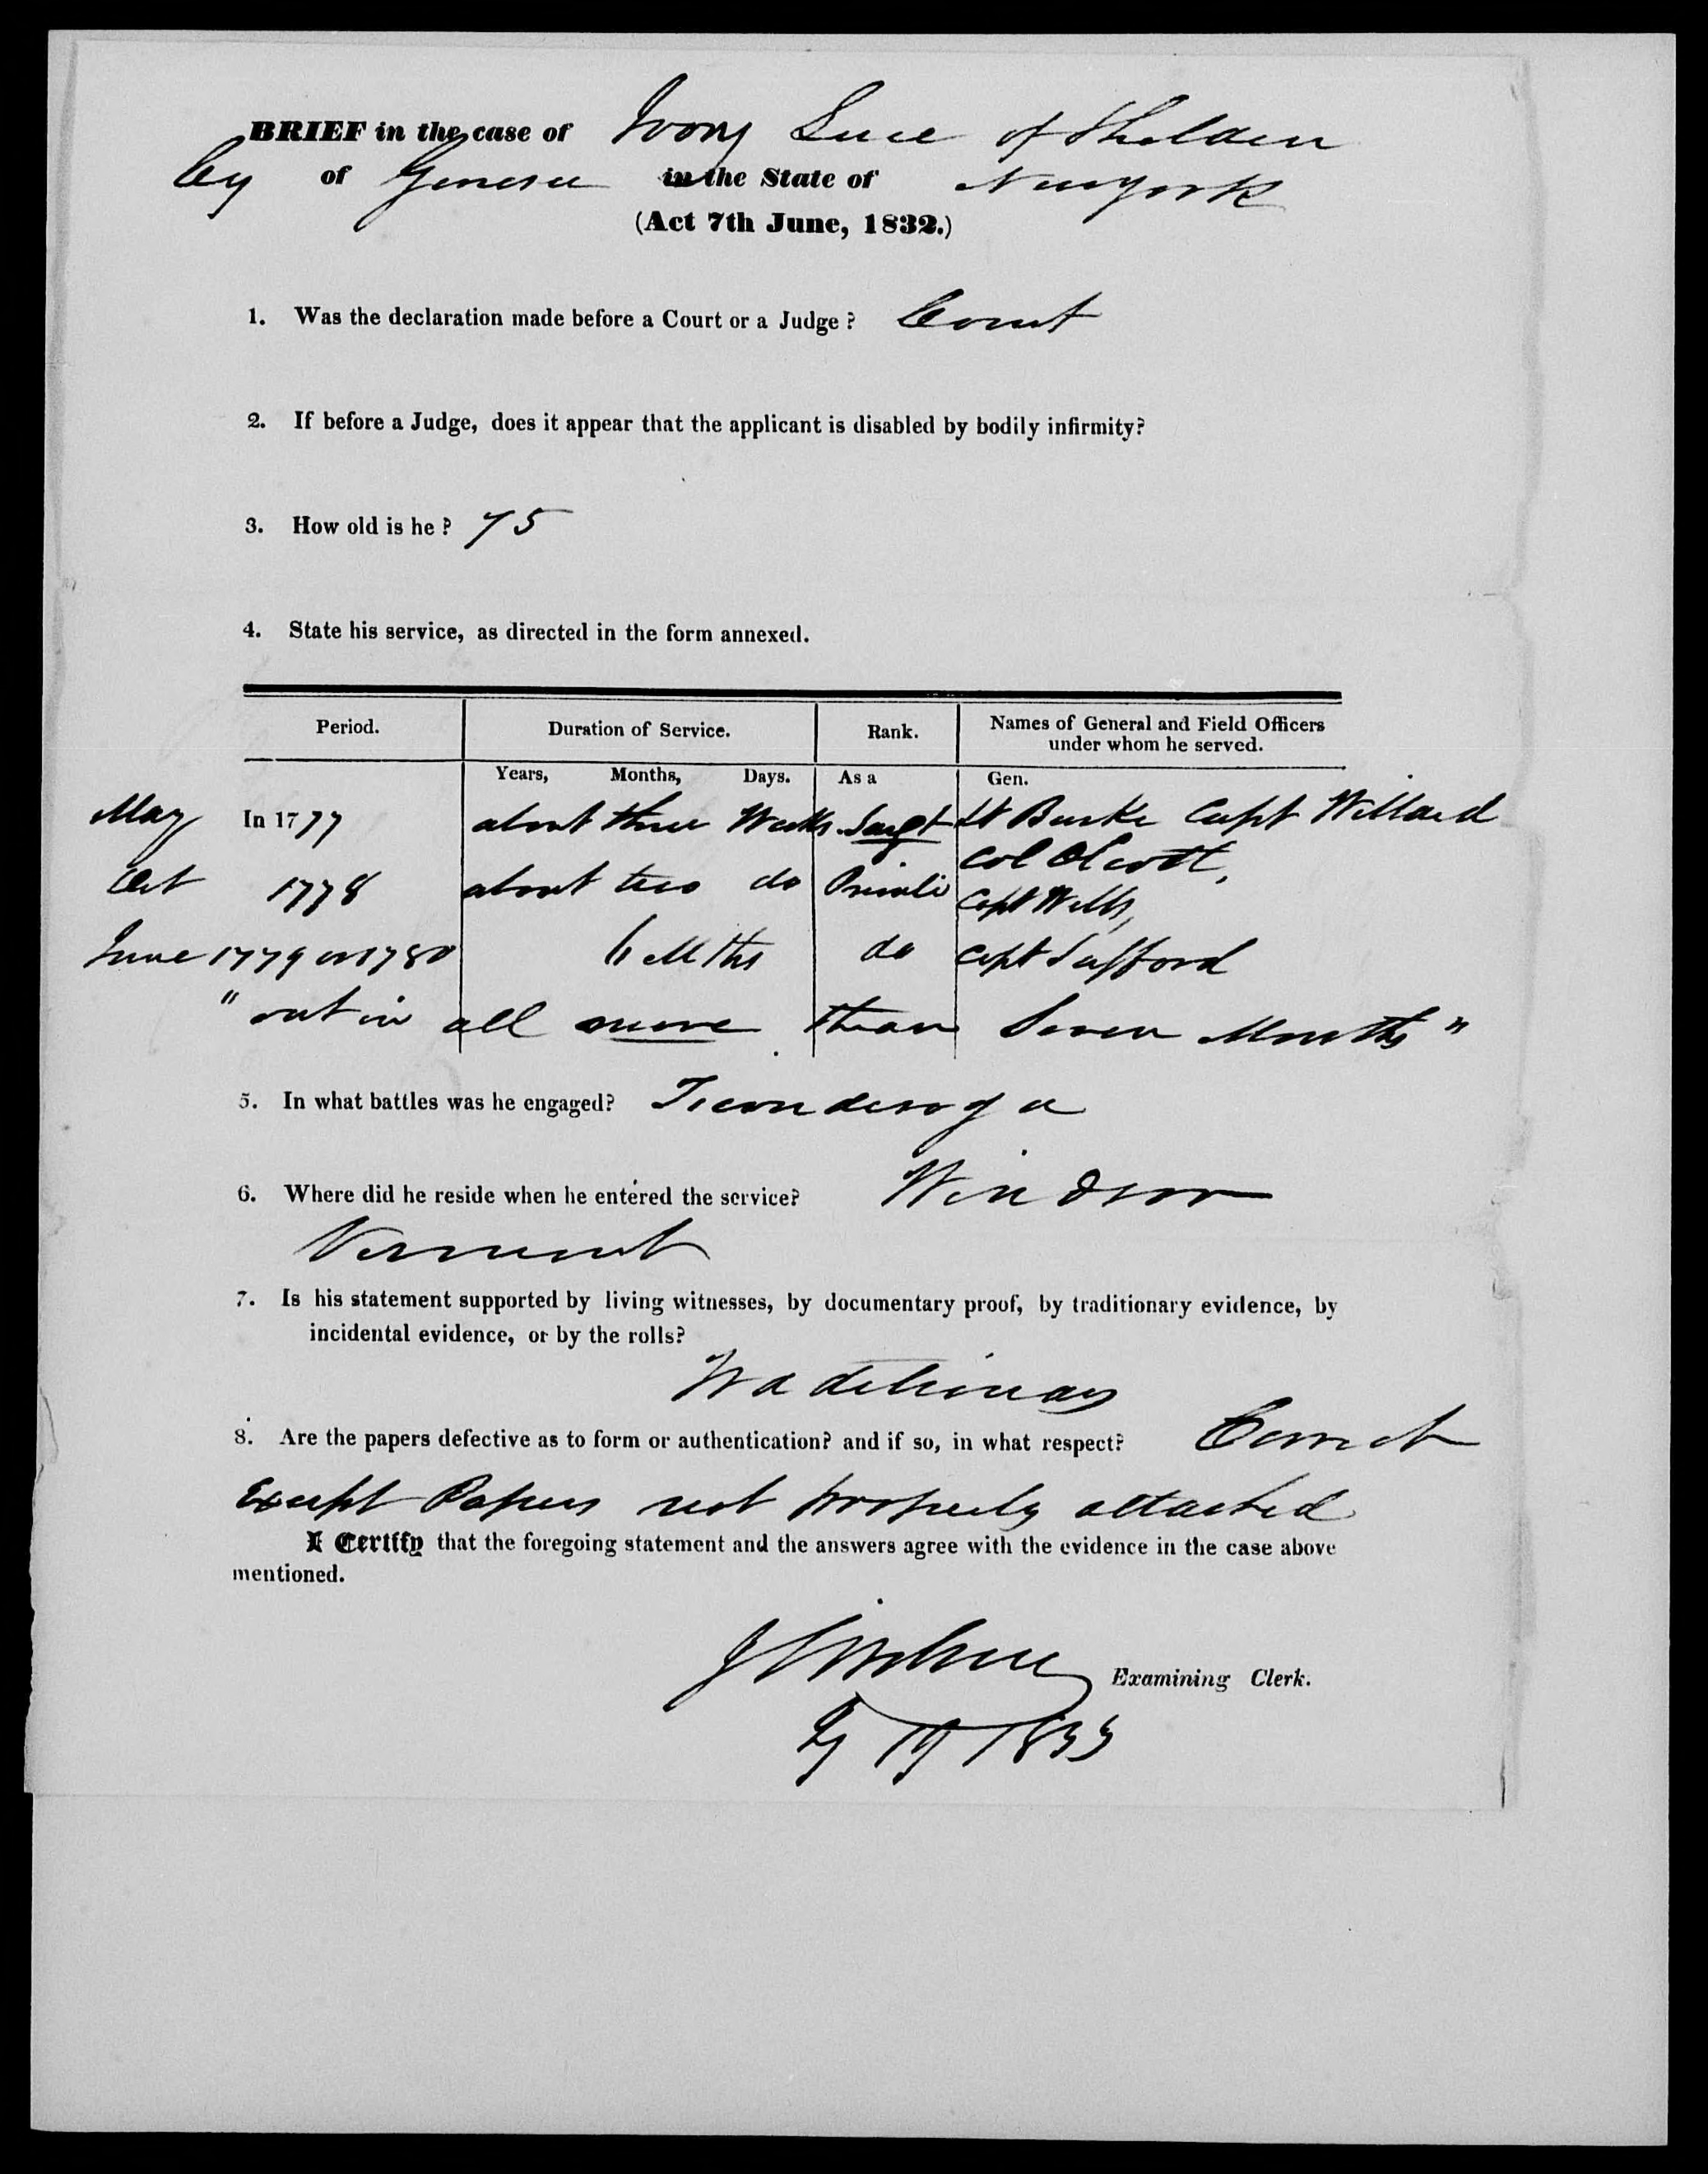BRIEF in the case of Ivory Luce of Sheldon Cty of Genesee in the State of New York
(Act 7th June, 1832.)

1.  Was the declaration made before a Court or a Judge?  Court

2.  If before a Judge, does it appear that the applicant is disabled by bodily infirmity? [left blank]

3.  How old is he ?  75

4.  State his service, as directed in the form annexed.

[headers]
Period. | Duration of Service. Rank. | Names of General and Field Officers under whom he served.

|| Years, Months, Days.| As a | Gen.

[content]
May In 1777 | about three Months | Sargt. | Lt. Banks Capt Willard Col Olcott

Oct 1778 | about two Months \ Private | Capt Wells

June 1779 or 80 | 6 Mths | Private | Capt Safford

"Out in all more than seven months"

5.  In what battles was he engaged?  Ticonderoga

6.  Where did he reside when he entered the service?  Windsor Vermont

7.  Is his statement supported by living witnesses, by documentary proof, by traditionary evidence, by incidental evidence, or by the rolls?  Traditionary

8.  Are the papers defective as to form or authentication? and if so, in what respect? Correct except papers not properly attached

I certify that the foregoing statement and the answers agree with the evidence in the case above mentioned.

[signed]
[illegible] Examining Clerk.

7/19/1835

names: [BLANK] Olcott; Ivory Luce; J C Wilson; [BLANK] Wells; [BLANK] Safford; [BLANK] Willard; [BLANK] Burke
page: 48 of 70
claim: rejected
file: R. 6510, for Israel Luce, New York